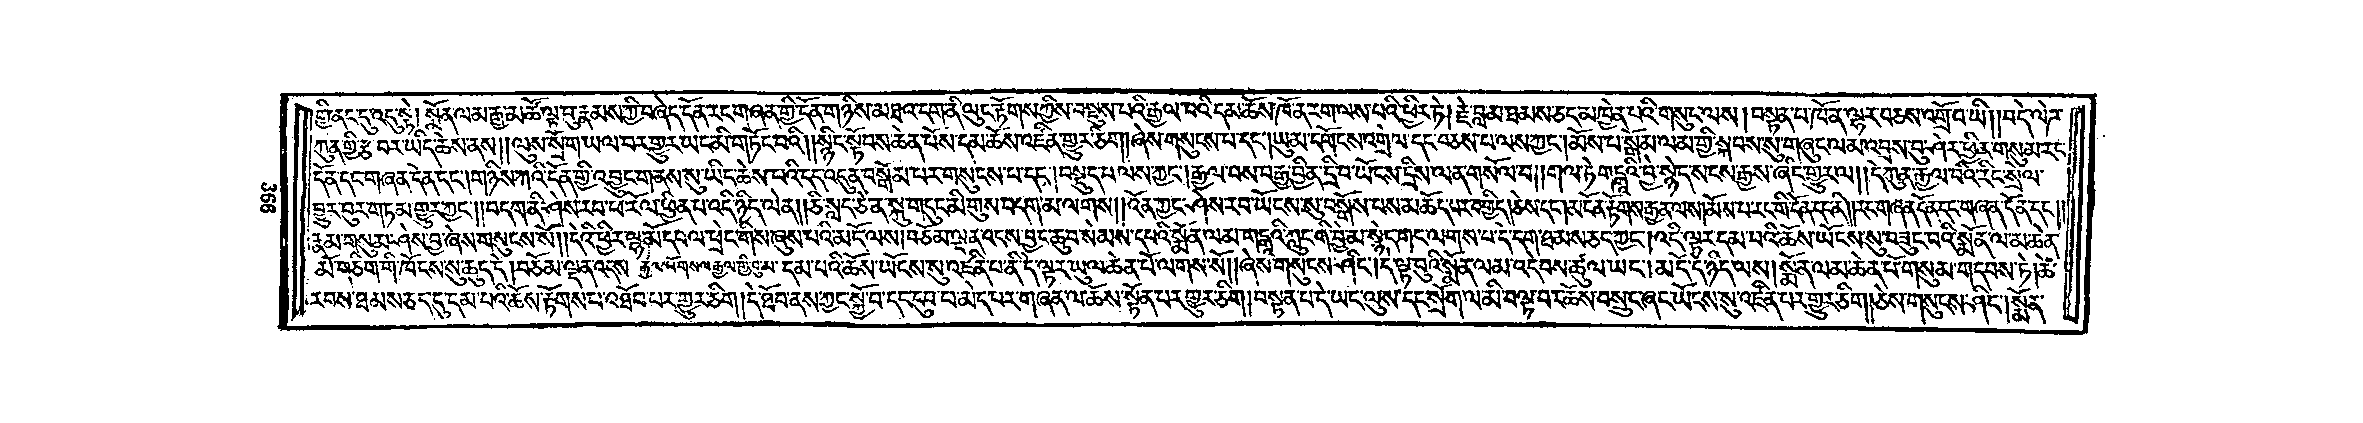གྱི་ནང་དུ་འདུ་སྟེ། སྨོན་ལམ་རྒྱ་མཚོ་ལྟ་བུ་རྣམས་ཀྱི་བཞེད་དོན་རང་གཞན་གྱི་དོན་གཉིས་མཐའ་དག་ནི་ལུང་རྟོགས་ཀྱིས་བསྡུས་པའི་རྒྱལ་བའི་དམ་ཆོས་ཁོ་ན་རག་ལས་པའི་ཕྱིར་ཏེ། རྗེ་བླ་མ་ཐམས་ཅད་མཁྱེན་པའི་གསུང་ལས། བསྟན་པ་ཁོ་ན་ལྷར་བཅས་འགྲོ་བ་ཡི། །བདེ་ལེགས་
ཀུན་གྱི་རྩ་བར་ཡིད་ཆེས་ནས། །ལུས་སྲོག་ཡལ་བར་གྱུར་ཡང་མི་གཏོང་བའི། །སྙིང་སྟོབས་ཆེན་པོས་དམ་ཆོས་འཛིན་གྱུར་ཅིག །ཞེས་གསུངས་པ་དང་། ཡུམ་དགོངས་འགྲེལ་དང་བཅས་པ་ལས་ཀྱང་། མོས་པ་སྒོམ་ལམ་གྱི་སྐབས་སུ་གཞུང་ལམ་འབྲས་བུ་ཤེར་ཕྱིན་གསུམ་རང་
དོན་དང་གཞན་དེན་དང་། གཉིས་ཀའི་དོན་གྱི་འབྱུང་གནས་སུ་ཡིད་ཆེས་པའི་དད་འདུན་བསྒོམ་པར་གསུངས་པ་དང་། བསྡུད་པ་ལས་ཀྱང་། རྒྱལ་བས་བརྒྱ་བྱིན་དྲི་བ་ཡོངས་དྲིས་ལན་གསོལ་བ། །གལ་ཏེ་གངཱའི་བྱེ་སྙེད་སངས་རྒྱས་ཞིང་གྱུར་ལ། །དེ་ཀུན་རྒྱལ་བའི་རིང་སྲེལ་
བྱུར་བུར་གཏམ་གྱུར་ཀྱང་། །བདག་ནི་ཤེས་རབ་ཕ་རོལ་ཕྱིན་པ་འདི་ཉིད་ལེན། །ཅི་སླད་ཅེ་ན་སྐུ་གདུང་མི་གུས་བདག་མ་ལགས། །འོན་ཀྱང་ཤེས་རབ་ཡོངས་སུ་བསྒོས་པས་མཆོད་པར་བགྱིད། ཅེས་དང་། མངོན་རྟོགས་རྒྱན་ལས། མོས་པ་རང་གི་དོན་དང་ནི། །རང་གཞན་དོན་དང་གཞན་དོན་དང་། །
རྣམ་གསུམ་ཤེས་བྱ་ཞེས་གསུངས་སོ། །དེའི་ཕྱིར་ལྷ་མོ་དཔལ་ཕྲེང་གིས་ཞུས་པའི་མདོ་ལས། བཅོམ་ལྡན་འདས་བྱང་ཆུབ་སེམས་དཔའི་སྨོན་ལམ་གངྒཱའི་ཀླུང་གི་བྱེ་མ་སྙེད་གང་ལགས་པ་དེ་དག་ཐམས་ཅད་ཀྱང་། འདི་ལྟར་དམ་པའི་ཆོས་ཡོངས་སུ་བཟུང་བའི་སྨོན་ལམ་ཆེན་
མོ་གཅིག་གི་ཁོངས་སུ་ཆུད་དེ། བཅོམ་ལྡན་འདས་རྒྱལ་པོ་གསལ་རྒྱལ་གྱི་བུ་མ་དམ་པའི་ཆོས་ཡོངས་སུ་འཛིན་པ་ནི་དེ་ལྟར་ཡུལ་ཆེན་པོ་ལགས་སོ། །ཞེས་གསུངས་ཤིང་། དེ་ལྟ་བུའི་སྨོན་ལམ་འདེབས་ཚུལ་ཡང་། མདོ་དེ་ཉིད་ལས། སྨོན་ལམ་ཆེན་པོ་གསུམ་གདབས་ཏེ། ཚེ་
རབས་ཐམས་ཅད་དུ་དམ་པའི་ཆོས་རྟོགས་པ་འཐོབ་པར་གྱུར་ཅིག །དེ་ཐོབ་ནས་ཀྱང་སྐྱོ་བ་དང་དུབ་པ་མེད་པར་གཞན་ལ་ཆོས་སྟོན་པར་གྱུར་ཅིག །བསྟན་པ་དེ་ཡང་ལུས་དང་སྲོག་ལ་མི་བལྟ་བར་ཆོས་བསྲུང་ཞང་ཡོངས་སུ་འཛིན་པར་གྱུར་ཅིག །ཅེས་གསུངས་ཤིང་། སྨོན་